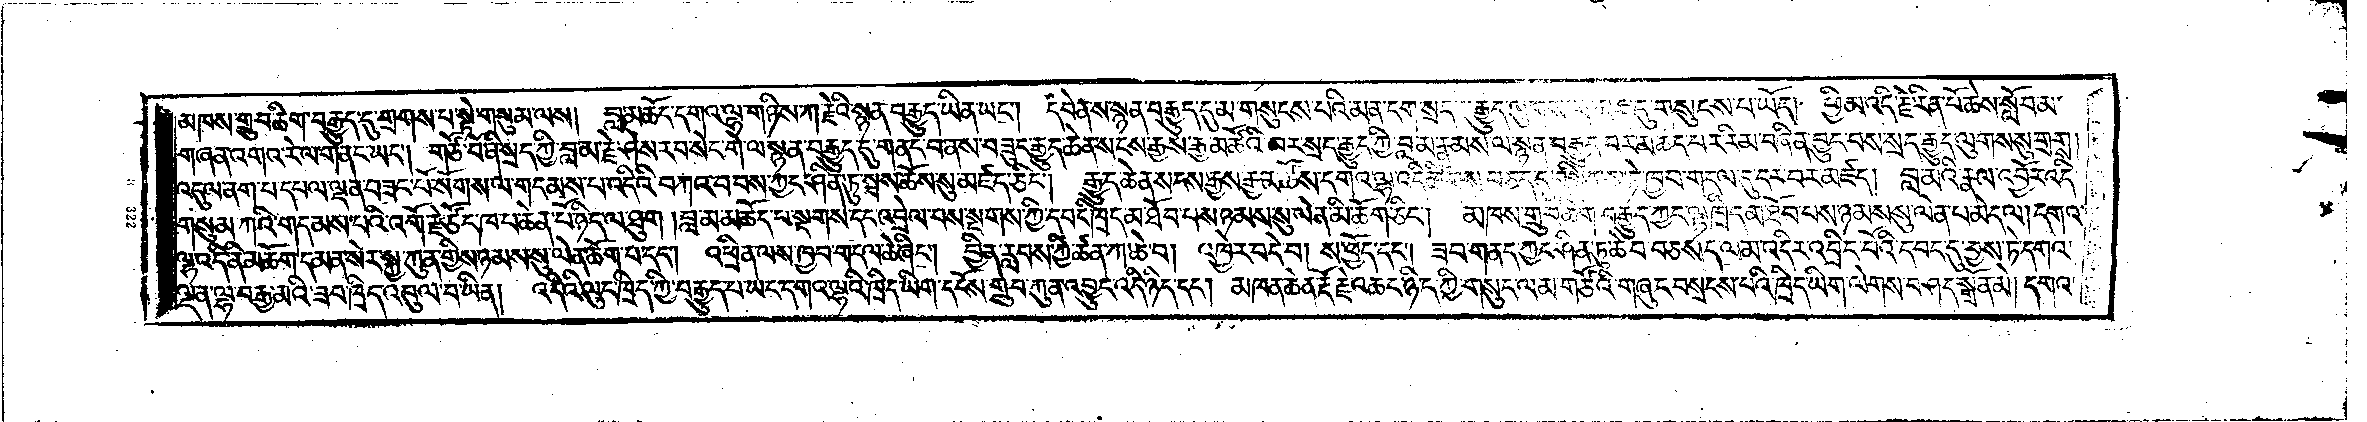མཁས་གྲུབ་ཚིག་?་བརྒྱུད་དུ་གྲགས་པ་སྟེ་གསུམ་ལས། བླ་མཆོད་དགའ་ལྷ་གཉིས་ཀ་རྗེའི་སྙན་བརྒྱུད་ཡིན་ཡང་། དབེན་ས་སྙན་བརྒྱུད་དུ་མ་གསུངས་པའི་མན་ངག་སྲད་རྒྱུད་ལུགས་ལ་མང་དུ་གསུངས་པ་ཡོད། ཕྱི་མ་འདི་རྗེ་རིན་པོ་ཆེས་སློབ་མ་
གཞན་འགའ་རེ་ལ་གནང་ཡང་། གཙོ་བོ་ནི་སྲད་ཀྱི་བླ་མ་རྗེ་ཤེས་རབ་སེང་གེ་ལ་སྙན་བརྒྱུད་དུ་གནང་བ་ནས་བཟུང་རྒྱུད་ཆེན་སངས་རྒྱས་རྒྱ་མཚོའི་བར་སྲད་རྒྱུད་ཀྱི་བླ་མ་རྣམས་ལ་སྙན་བརྒྱུད་བར་མ་ཆད་པར་རིམ་བཞིན་བྱུང་བས་སྲད་རྒྱུད་ལུགས་སུ་གྲགས།
འདུལ་ནག་པ་དཔལ་ལྡན་བཟང་པོ་སོགས་ལ་གདམས་པ་འདིའི་བཀའ་བབས་ཀྱང་ཤིན་ཏུ་སྦས་ཆོས་སུ་མཛད་ཅིང་། རྒྱུད་ཆེན་སངས་རྒྱས་རྒྱ་མཚོས་དགའ་ལྷ་འདི་ཚིགས་བཅད་དུ་བསྒྲིགས་ཏེ་ཁྱབ་གདལ་དུ་དར་བར་མཛད། བླ་མའི་རྣལ་འབྱོར་འདི་
གསུམ་ཀའི་གདམས་པའི་འགོ་རྗེ་ཙོང་ཁ་པ་ཆེན་པོ་ཉིད་ལ་ཐུག །བླ་མ་མཆོད་པ་སྔགས་དང་འབྲེལ་བས་སྔགས་ཀྱི་དབང་ཁྲིད་མ་ཐོབ་པས་ཉམས་སུ་ལེན་མི་ཆོག་ཅིང་། མཁས་གྲུབ་ཆིག་བརྒྱུད་ཀྱང་ལྟ་ཁྲིད་མ་ཐོབ་པས་ཉམས་སུ་ལེན་པ་མེད་ལ། དགའ་
ལྷ་འདི་ནི་མཆོས་དམན་སེར་སྐྱ་ཀུན་གྱིས་ཉམས་སུ་ལེན་ཆོག་པ་དང་། འཕྲིན་ལས་ཁྱབ་གདལ་ཆེ་ཞིང་། བྱིན་རླབས་ཀྱི་ཚན་ཀ་ཆེ་བ། འཁྱེར་བདེ་བ། ས་ཕྱོད་དང་། ཟབ་གནད་ཀྱང་ཤིན་ཏུ་ཆེ་བ་བཅས་ད་ལམ་འདིར་འབྲིང་པོའི་དབང་དུ་བྱས་ཏེ་དགའ་
ལྡན་ལྷ་བརྒྱ་མའི་ཟབ་ཁྲིད་འབུལ་བ་ཡིན། འདིའི་ལུང་ཁྲིད་ཀྱི་བརྒྱུད་པ་ཡང་དགའ་ལྷའི་ཁྲིད་ཡིག་དངོས་གྲུབ་ཀུན་འབྱུང་འདི་ཉིད་དང་། མཁན་ཆེན་རྡོ་རྗེ་འཆང་ཉིད་ཀྱི་གསུང་ལམ་གཙོའི་གཞུང་བསྲངས་པའི་ཁྲིད་ཡིག་ལེགས་བཤད་སྒྲོན་མེ། དགའ་